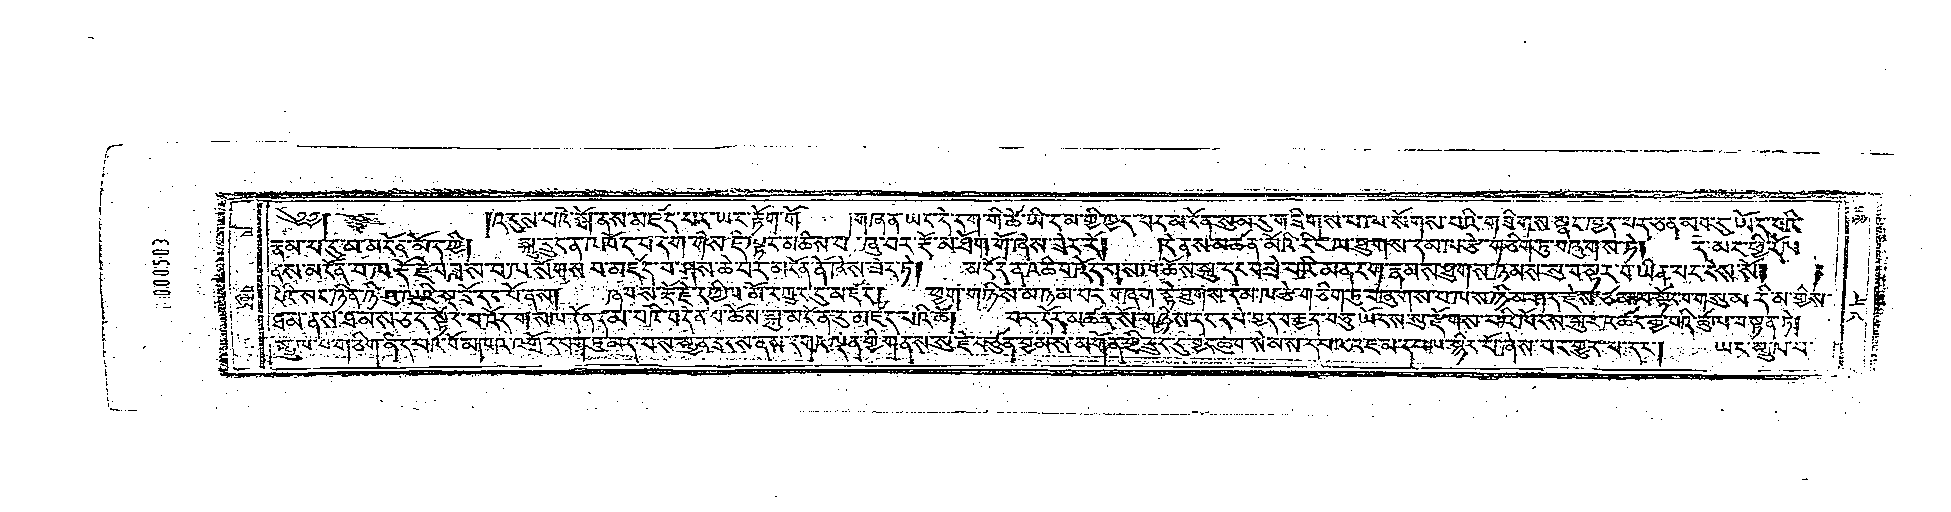༄༅། །འདུས་པའི་སྒོ་ནས་མཛད་པར་ཡང་རྟོག་གོ། །གཞན་ཡང་དེ་དག་གི་ཚེ་ཡི་དམ་གྱི་ཁྱད་པར་མངོན་སུམ་དུ་གཟིགས་པ་ལ་སོགས་པའི་གཟིགས་སྣང་ཁྱད་པར་ཅན་མང་དུ་ཡོད་པའི་
རྣམ་པ་དུ་མ་མངོན་མོད་ཀྱི། སྐུ་དྲུང་ན་འཁོད་བདག་གིས་ཇི་ལྟར་མཆིས་པ་ཞུ་བར་རྡོ་མ་ཐོག་གོ་ཞེས་ཟེར་རོ། །དེ་ནས་མཚན་མོའི་རིང་ལ་ཐུགས་དམ་ལ་རྩེ་གཅིག་ཏུ་བཞུགས་ཏེ། དམང་ཕྱི་རོལ་
ནས་མངོན་པ་ལ་རྡོ་རྗེ་བཟླས་བ་ལ་སོགས་པ་མཛད་པ་ཤས་ཆེ་བར་མངོན་ནོ་ཞེས་ཟེར་ཏེ། མདོར་ན་འཆི་བ་འོད་གསལ་ཆོས་སྐུ་དང་བསྲེ་པའི་མན་ངག་རྣམས་ཐུགས་ཉམས་སུ་བ་སྟར་བ་ཡིན་པར་ངེས་སོ། །
དེའི་སང་ཉིན་ཉི་ཤུ་ལྔའི་སྔ་དྲོ་དང་པོ་ནས། ཞབས་རྡོ་རྗེ་དཀྱིལ་མོ་དཀྲུང་དུ་མཛད། ཕྱག་གཉིས་མཉམ་པར་བཞག་སྟེ་ཐུགས་དམ་ལ་རྩེ་གཅིག་ཏུ་བཞུགས་པ་ལས་ཉི་མ་ཤར་རྗེས་ཙམ་ལ་སྟོང་བ་གསུམ་རིམ་གྱིས་
ཐམ་ནས་ཐམས་ཅད་སྟོང་པ་འོད་གསལ་དོན་དམ་པའི་བདེན་པ་ཆོས་སྐུ་མངོན་དུ་མཛད་པའི་ཚེ། བར་དོར་མཚན་སོ་གཉིས་དང་དཔེ་བྱད་བརྒྱད་བཅུ་ཡོངས་སུ་རྫོགས་པའི་ལོངས་སྐུར་འཚར་རྒྱ་བའི་ཚུལ་བསྟན་ཏེ།
སྤྲུལ་པ་གཅིག་ནི་དཔའ་བོ་མཁའ་འགྲོ་དཔག་ཏུ་མེད་པས་སྤྱན་དྲངས་ནས་དགའ་ལྡན་གྱི་གནས་སུ་རྗེ་བཙུན་བྱམས་མགོན་གྱི་དྲུང་དུ་བྱང་ཆུབ་སེམས་དཔའ་འཇམ་དཔལ་སྙིང་པོ་ཞེས་པར་གྱུར་པ་དང་། ཡང་སྤྲུལ་པ་